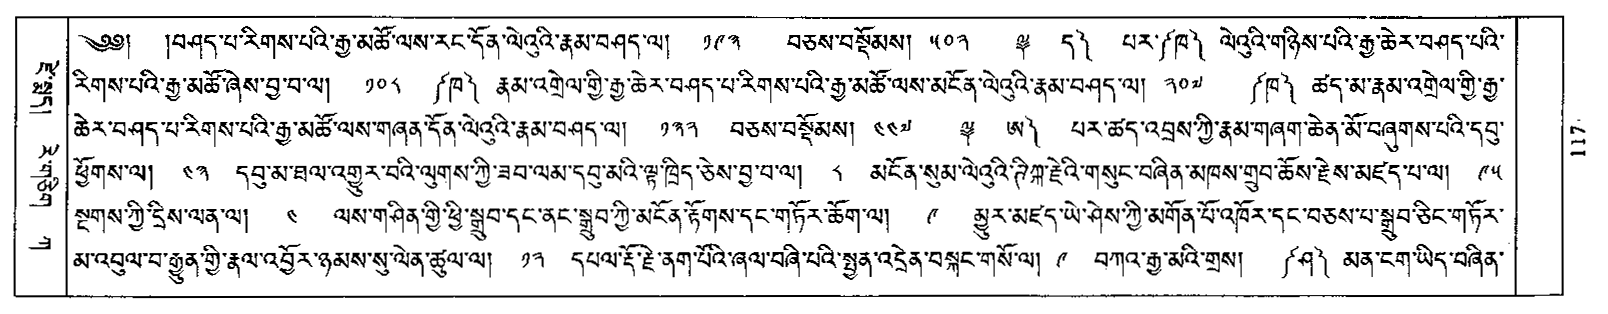༄༅། །བཤད་པ་རིགས་པའི་རྒྱ་མཚོ་ལས་རང་དོན་ལེའུའི་རྣམ་བཤད་ལ། ༡༩༣་བཅས་བསྡོམས། ༥༠༢་༈ ད྄་པར་ཁ྄་ལེའུའི་གཉིས་པའི་རྒྱ་ཆེར་བཤད་པའི་
རིགས་པའི་རྒྱ་མཚོ་ཞེས་བྱ་བ་ལ། ༡༠༨ ༼ཁ྄་རྣམ་འགྲེལ་གྱི་རྒྱ་ཆེར་བཤད་པ་རིགས་པའི་རྒྱ་མཚོ་ལས་མངོན་ལེའུའི་རྣམ་བཤད་ལ། ༢༠༧་༽ཁ྄་ཚད་མ་རྣམ་འགྲེལ་གྱི་རྒྱ་
ཆེར་བཤད་པ་རིགས་པའི་རྒྱ་མཚོ་ལས་གཞན་དོན་ལེའུའི་རྣམ་བཤད་ལ། ༡༣༢་བཅས་བསྡོམས། ༤༤༧་༈ ཨ྄་པར་ཚད་འབྲས་ཀྱི་རྣམ་གཞག་ཆེན་མོ་བཞུགས་པའི་དབུ་
ཕྱོགས་ལ། ༤༣་དབུ་མ་ཐལ་འགྱུར་བའི་ལུགས་ཀྱི་ཟབ་ལམ་དབུ་མའི་ལྟ་ཁྲིད་ཅེས་བྱ་བ་ལ། ༨་མངོན་སུམ་ལེའུའི་ཊིཀྐ་རྗེའི་གསུང་བཞིན་མཁས་གྲུབ་ཆོས་རྗེས་མཛད་པ་ལ། ༩༥
སྔགས་ཀྱི་དྲིས་ལན་ལ། ༤་ལས་གཤིན་གྱི་ཕྱི་སྒྲུབ་དང་ནང་སྒྲུབ་ཀྱི་མངོན་རྟོགས་དང་གཏོར་ཆོག་ལ། ༩་མྱུར་མཛད་ཡེ་ཤེས་ཀྱི་མགོན་པོ་འཁོར་དང་བཅས་པ་སྒྲུབ་ཅིང་གཏོར་
མ་འབུལ་བ་རྒྱུན་གྱི་རྣལ་འབྱོར་ཉམས་སུ་ལེན་ཚུལ་ལ། ༡༢་དཔལ་རྡོ་རྗེ་ནག་པོའི་ཞལ་བཞི་པའི་སྤྱན་འདྲེན་བསྐང་གསོ་ལ། ༦་བཀའ་རྒྱ་མའི་གྲས། ཤ྄་མན་ངག་ཡིད་བཞིན་